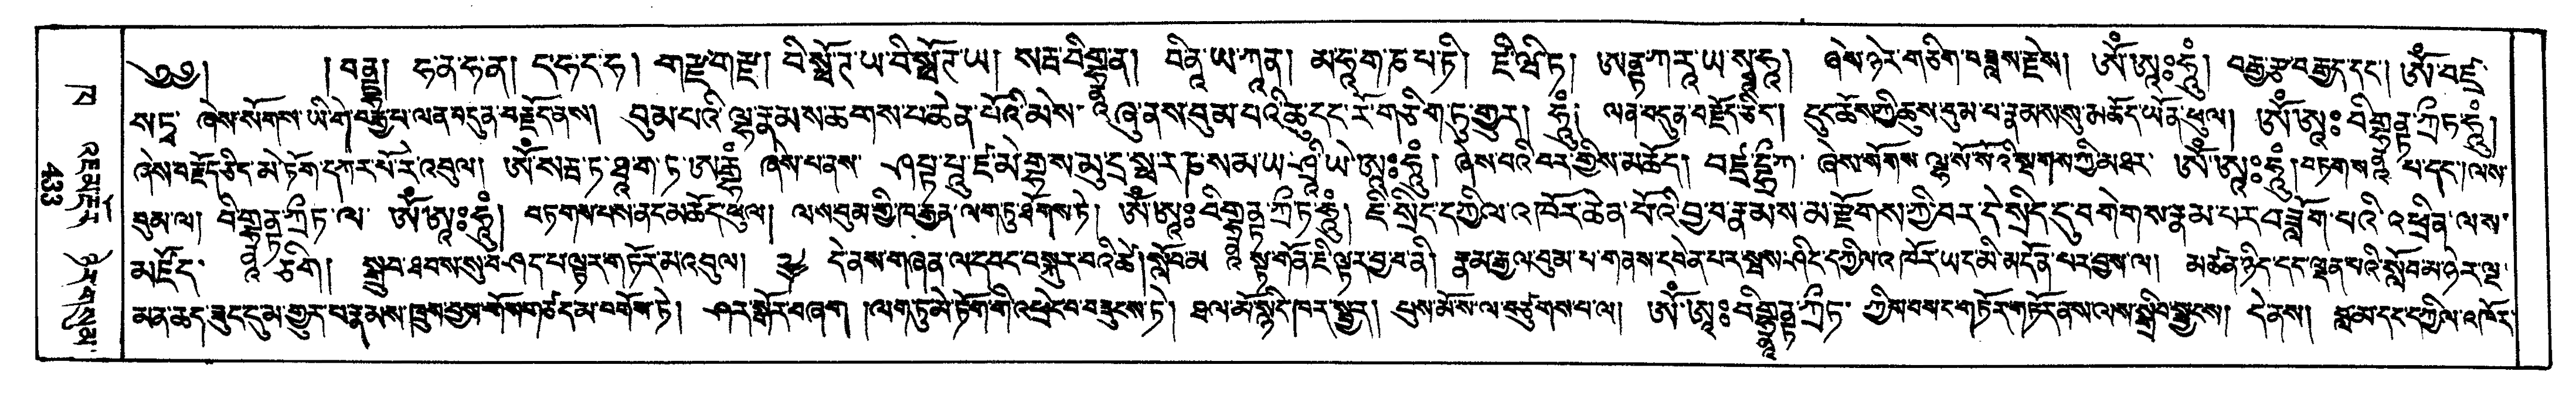༄༅། །བནྡྷ། ཧན་ཧ་ན། དཧ་དཧ། གརྫ་གརྫ། བི་སྥོ་ཊ་ཡ་བི་སྥོ་ཊ་ཡ། སརྦ་བིགྷྣྣ། བི་ནཱ་ཡ་ཀཱ་ན། མྷཱ་ག་ཎ་པ་ཏི། རྫི་ཝི་ཏ། ཨནྟ་ཀ་རཱ་ཡ་སྭཱ་ཧཱ། ཞེས་ཉེར་གཅིག་བཟླས་རྗེས། ཨོཾ་ཨཱཿ ཧཱུཾ། བརྒྱ་རྩ་བརྒྱད་དང་། ཨོཾ་བཛྲ་
སཏྭ་ཞེས་སོགས་ཡི་གེ་བརྒྱ་པ་ལན་བདུན་བརྗོད་ནས། བུམ་པའི་ལྷ་རྣམས་ཆགས་པ་ཆེན་པོའི་མེས་ཞུ་ནས་བུམ་པའི་ཆུ་དང་རོ་གཅིག་ཏུ་གྱུར། ཧཱུཾ༑ ལན་བདུན་བརྗོད་ཅིང་། དུང་ཆོས་ཀྱི་ཆུས་བུམ་པ་རྣམས་སུ་མཆོད་ཡོན་ཕུལ། ཨོཾ་ཨཱཿ བིགྷྣཱནྟ་ཀྲྀཏ་ཧཱུཾ།
ཞེས་བརྗོད་ཅིང་མེ་ཏོག་དཀར་པོ་རེ་འབུལ། ཨོཾ་སརྦ་ཏ་ཐཱ་ག་ཏ་ཨརྒྷཾ་ཞེས་པ་ནས་ཤཔྟ་པཱུ་ཛ་མེ་གྷ་ས་མུ་དྲསྥ་ར་ཎ་ས་མ་ཡ་ཤྲཱི་ཡེ་ཨཱཿ ཧཱུཾ། ཞེས་པའི་བར་གྱིས་མཆོད། བཛྲ་དྷྲྀཀ་ཞེས་སོགས་ལྷ་སོ་སོའི་སྔགས་ཀྱི་མཐར་ཨོཾ་ཨཱཿ ཧཱུཾ། བཏགས་པ་དང་། ལས་
བུམ་ལ། བིགྷྣཱནྟ་ཀྲྀཏ་ལ་ཨོཾ་ཨཱཿ ཧཱུཾ། བཏགས་པས་ནང་མཆོད་ཕུལ། ལས་བུམ་གྱི་ཁ་རྒྱན་ལག་ཏུ་ཐོགས་ཏེ། ཨོཾ་ཨཱཿ བིགྷྣཱནྟ་ཀྲྀཏ་ཧཱུཾ། ཇི་སྲིད་དཀྱིལ་འཁོར་ཆེན་པོའི་བྱ་བ་རྣམས་མ་རྫོགས་ཀྱི་བར་དེ་སྲིད་དུ་བགེགས་རྣམ་པར་བཟློག་པའི་འཕྲིན་ལས་
མཛོད་ཅིག། སྒྲུབ་ཐབས་སུ་བཤད་པ་ལྟར་གཏོར་མ་འབུལ། ༈ དེ་ནས་གཞན་ལ་དབང་སྐུར་བ་དེ་ཚེ་སློབ་མ་སྟ་གོན་ཇི་ལྟར་བྱ་བ་ནི། རྣམ་རྒྱལ་བུམ་པ་གནས་དབེན་པར་སྦས་ཤིང་དཀྱིལ་འཁོར་ཡང་མི་མངོན་པར་བྱས་ལ། མཚན་ཉིད་དང་ལྡན་པའི་སློབ་མཉེར་ལྔ་
མན་ཆད་ཟུང་དུ་མ་གྱུར་པ་རྣམས་ཁྲུས་བྱས་གོས་གཙང་མ་བགོས་ཏེ། ཤར་སྒོར་བཞག །ལག་ཏུ་མེ་ཏོག་གི་འཕྲེང་བ་བཟུངས་ཏེ། ཐལ་མོ་སྙིང་ཁར་སྦྱར། པུས་མོ་ས་ལ་བཙུགས་པ་ལ། ཨོཾ་ཨཱཿ བིགྷྣཱནྟ་ཀྲྀཏ་ཀྱིས་བསང་གཏོར་གཏོར་ནས་ལས་སྒྲིབ་སྦྱངས། དེ་ནས། བླ་མ་དང་དཀྱིལ་འཁོར་